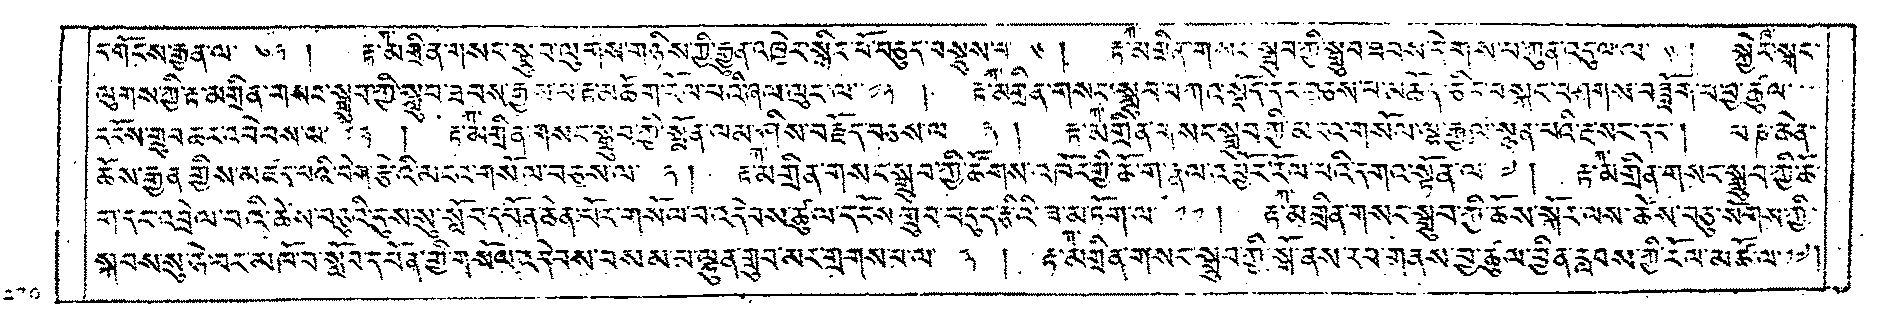དགོངས་རྒྱན་ལ ༦༢། {ཀ}་རྟ་མགྲིན་གསང་སྒྲུབ་ལུགས་གཉིས་ཀྱི་རྒྱུན་འཁྱེར་སྙིང་པོ་བཅུད་བསྡུས་པ ༤། རྟ་ཀ་མགྲིན་གསང་སྒྲུབ་ཀྱི་སྒྲུབ་ཐབས་དྲེགས་པ་ཀུན་འདུལ་ལ ༤། སྐྱེར་ཁ་སྒང་
ལུགས་ཀྱི་རྟ་མགྲིན་གསར་སྒྲུབ་ཀྱི་སྒྲུབ་ཐབས་རྒྱས་པ་རྟ་མཆོག་རོལ་པའི་ཞལ་ལུང་ལ ༡༢། རྟ་ཀ་མགྲིན་གསང་སྒྲུབ་བཀའ་སྡོད་དང་བཅས་པ་མཆོད་ཅིང་བསྐང་བཤགས་བཟློག་པ་བྱ་ཚུལ་
དངོས་གྲུབ་ཆར་འབེབས་ལ ༡༢། རྟ་ཀ་མགྲིན་གསང་སྒྲུབ་ཀྱི་སྨོན་ལམ་ཤིས་བརྗོད་བཅས་ལ ༣། རྟ་ཀ་མགྲིན་གསང་སྒྲུབ་ཀྱི་མངའ་གསོལ་ལྷ་རྒྱལ་སྙན་པའི་རྔ་སང་དང་། པཎ་ཆེན་
ཆོས་རྒྱན་གྱིས་མཛད་པའི་བེག་རྩེའི་མངའ་གསོལ་བཅས་ལ ༢། རྟ་ཀ་མགྲིན་གསང་སྒྲུབ་ཀྱི་ཚོགས་འཁོར་གྱི་ཆོ་ག་རྣལ་འབྱོར་རོལ་པའི་དགའ་སྟོན་ལ ༧། རྟ་ཀ་མགྲིན་གསང་སྒྲུབ་ཀྱི་ཆོ་
ག་དང་འབྲེལ་བའི་ཚེས་བཅུའི་དུས་སུ་སློབ་དཔོན་ཆེན་པོར་གསོལ་བ་འདེབས་ཚུལ་དངོས་གྲུབ་བདུད་རྩིའི་ཟ་མ་ཏོག་ལ ༡༡། རྟ་ཀ་མགྲིན་གསང་སྒྲུབ་ཀྱི་ཆོས་སྐོར་ལས་ཚེས་བཅུ་སོགས་ཀྱི་
སྐབས་སུ་ཉེ་བར་མཁོ་བ་སློབ་དཔོན་གྱི་གསོལ་འདེབས་བསམ་པ་ལྷུན་གྲུབ་མར་གྲགས་པ་ལ ༣། རྟ་ཀ་མགྲིན་གསང་སྒྲུབ་ཀྱི་སྒོ་ནས་རབ་གནས་བྱ་ཚུལ་བྱིན་རླབས་ཀྱི་རོལ་མཚོ་ལ ༡༧།